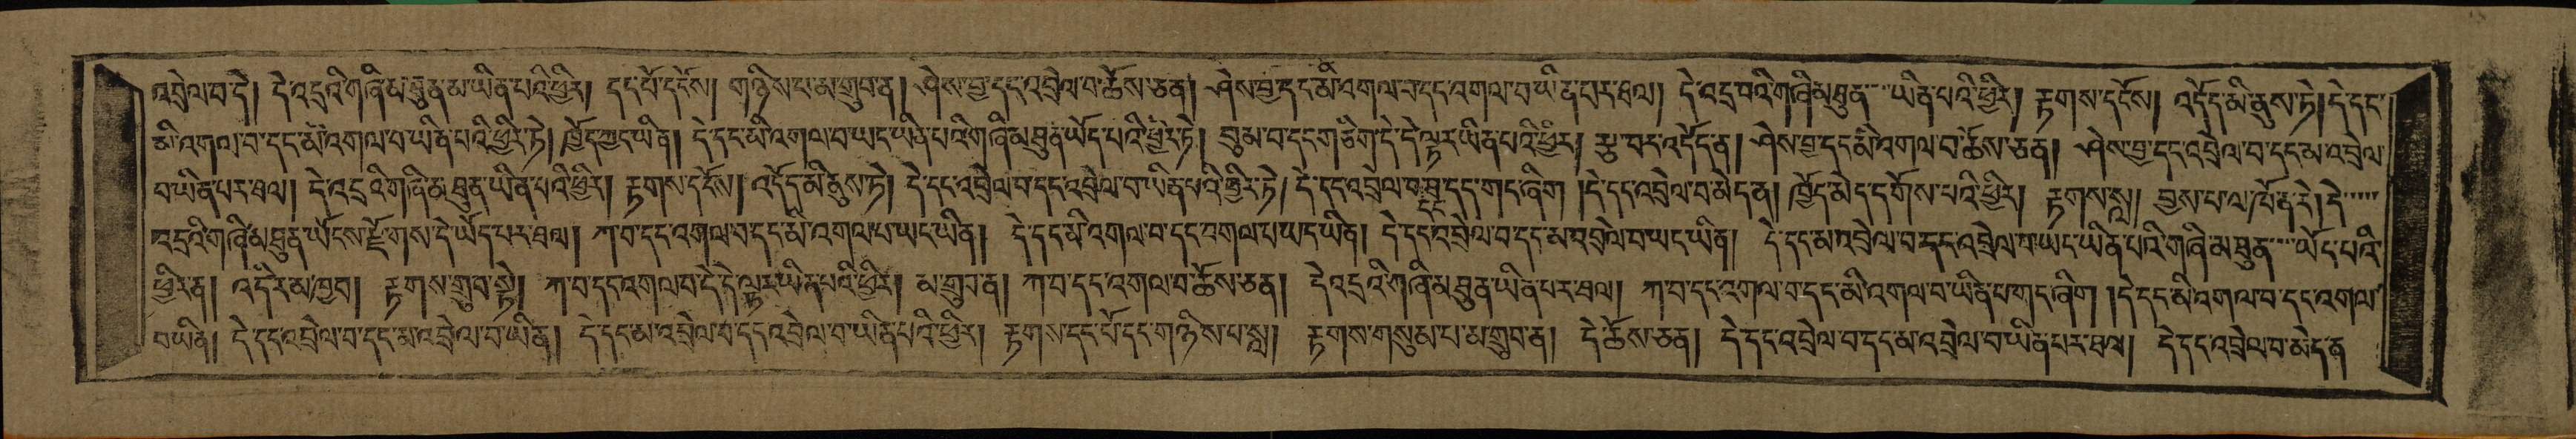འབྲེལ་བ་དེ། དེ་འདྲའི་གཞི་མཐུན་མ་ཡིན་པའི་ཕྱིར། དང་པོ་དངོས། གཉིས་པ་མ་གྲུབ་ན། ཤེས་བྱ་དང་འབྲེལ་བ་ཆོས་ཅན། ཤེས་བྱ་དང་མི་འགལ་བ་དང་འགལ་བ་ཡིན་པར་ཐལ། དེ་འདྲ་བའི་གཞི་མཐུན་ཡིན་པའི་ཕྱིར། རྟགས་དངོས། འདོད་མི་ནུས་ཏེ། དེ་དང་
མི་འགལ་བ་དང་མི་འགལ་བ་ཡིན་པའི་ཕྱིར་ཏེ། ཁྱོད་ཀྱང་ཡིན། དེ་དང་མི་འགལ་བ་ཡང་ཡིན་པའི་གཞི་མཐུན་ཡོད་པའི་ཕྱིར་ཏེ། བུམ་པ་དང་གཅིག་དེ་དེ་ལྟར་ཡིན་པའི་ཕྱིར། རྩ་བར་འདོད་ན། ཤེས་བྱ་དང་མི་འགལ་བ་ཆོས་ཅན། ཤེས་བྱ་དང་འབྲེལ་བ་དང་མ་འབྲེལ་
བ་ཡིན་པར་ཐལ། དེ་འདྲའི་གཞི་མཐུན་ཡིན་པའི་ཕྱིར། རྟགས་དངོས། འདོད་མི་ནུས་ཏེ། དེ་དང་འབྲེལ་བ་དང་འབྲེལ་བ་ཡིན་པའི་ཕྱིར་ཏེ། དེ་དང་འབྲེལ་བ་དང་ཐ་དད་གང་ཞིག །དེ་དང་འབྲེལ་བ་མེད་ན། ཁྱོད་མེད་དགོས་པའི་ཕྱིར། རྟགས་སླ། བྱས་པ་ལ་ཁོ་ན་རེ། དེ་
འདྲའི་གཞི་མཐུན་ཡོངས་རྫོགས་དེ་ཡོད་པར་ཐལ། ཀ་བ་དང་འགལ་བ་དང་མི་འགལ་བ་ཡང་ཡིན། དེ་དང་མི་འགལ་བ་དང་འགལ་བ་ཡང་ཡིན། དེ་དང་འབྲེལ་བ་དང་མ་འབྲེལ་བ་ཡང་ཡིན། དེ་དང་མ་འབྲེལ་བ་དང་འབྲེལ་བ་ཡང་ཡིན་པའི་གཞི་མཐུན་ཡོད་པའི་
ཕྱིར་ན། འདིར་མ་ཁྱབ། རྟགས་གྲུབ་སྟེ། ཀ་བ་དང་འགལ་བ་དེ་དེ་ལྟར་ཡིན་པའི་ཕྱིར། མ་གྲུབ་ན། ཀ་བ་དང་འགལ་བ་ཆོས་ཅན། དེ་འདྲའི་གཞི་མཐུན་ཡིན་པར་ཐལ། ཀ་བ་དང་འགལ་བ་དང་མི་འགལ་བ་ཡིན་པ་གང་ཞིག །དེ་དང་མི་འགལ་བ་དང་འགལ་
བ་ཡིན། དེ་དང་འབྲེལ་བ་དང་མ་འབྲེལ་བ་ཡིན། དེ་དང་མ་འབྲེལ་བ་དང་འབྲེལ་བ་ཡིན་པའི་ཕྱིར། རྟགས་དང་པོ་དང་གཉིས་པ་སླ། རྟགས་གསུམ་པ་མ་གྲུབ་ན། དེ་ཆོས་ཅན། དེ་དང་འབྲེལ་བ་དང་མ་འབྲེལ་བ་ཡིན་པར་ཐལ། དེ་དང་འབྲེལ་བ་མེད་ན་